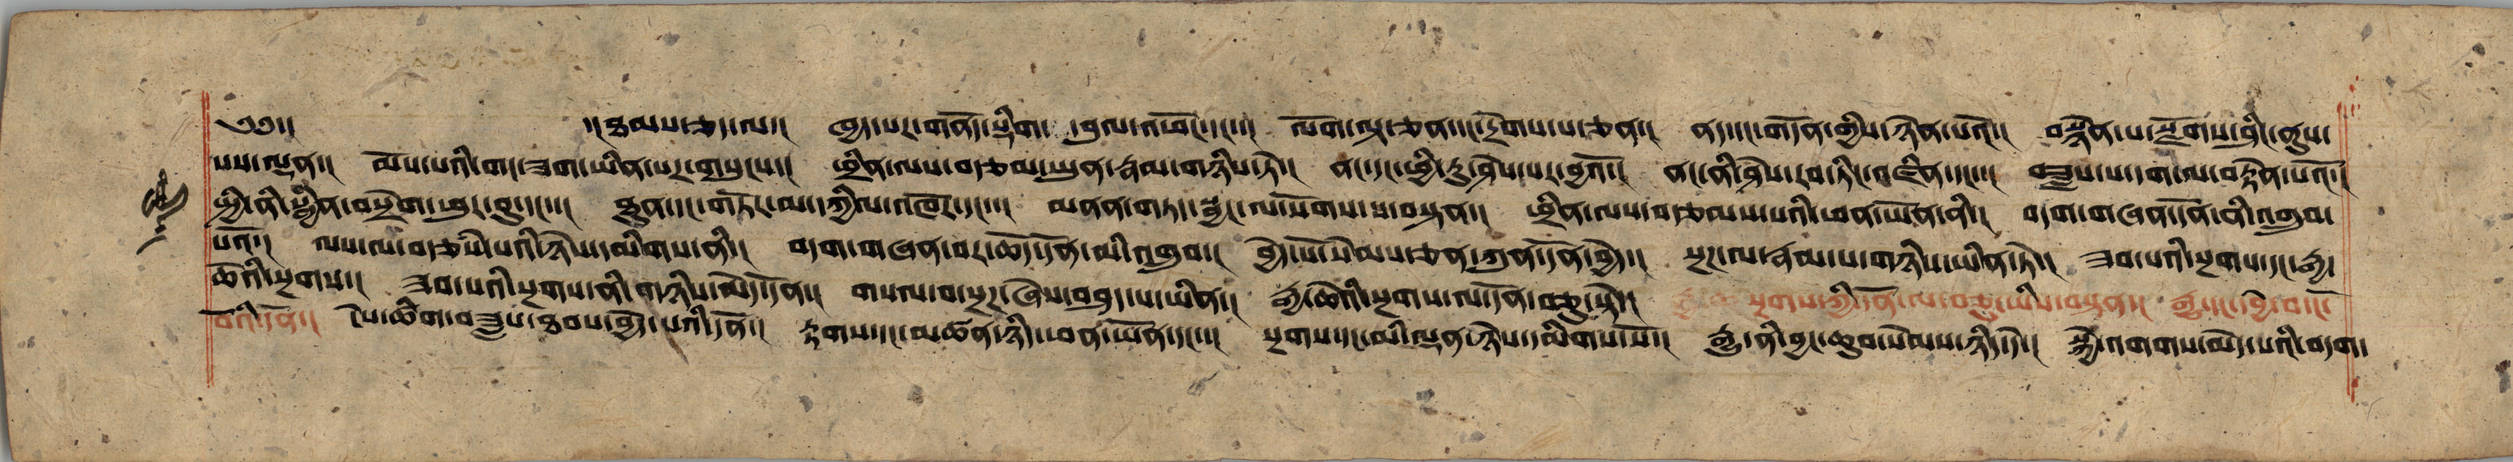༅༅་། ་།ཐམས་ཅད་ལ་། ཁྱད་པར་གནོད་སྡིག་དབུལ་འཕོང་དང་། ལོག་ལྟ་ཅན་དང་དྲེགས་པ་ཅན་། ནད་དང་གདོན་གྱིས་ཉེན་པའོ་། བསྙེན་པ་སྫོགས་ཤིང་ནུས་
པས་ལྡན་། མོས་པའི་གང་ཟག་ཡིན་པར་གསུངས་། ཕྲིན་ལས་བརྩམ་ཡུན་རྣམ་གཉིས་ཏེ་། ནང་དང་ཕྱི་རུ་ཤེས་པར་བྱའོ་། ནང་ནི་ཤེས་རབ་ཏིང་འཛིན་དང་་། བཟླས་པ་དག་ལ་བརྟེན་པའོ་།
སྤྱི་ནི་སྦྱིན་བསྲེག་ཕུར་བུ་དང་་། ཐུན་དང་གཏོར་མ་དཀྱིལ་འཁོར་དང་་། མནན་གཏད་སྦྱང་ལ་སོགས་པ་བསྟན་། ཕྲིན་ལས་བརྩམས་པའི་ཕན་ཡོན་ནི་། བདག་གཞན་དོན་ནི་འགྲུབ་
པའོ་། ལས་ལ་བརྩིས་པའི་ཉེས་དམིགས་ནི་། བདག་གཞན་བར་ཆོད་དོན་མི་འགྲུབ་། བྱེད་པོ་སེམས་ཅན་ཀུན་དོན་བྱེད་། སྔཌ་ལ་རྣམ་པ་གཉིས་ཡིན་ཏེ་། ཟབ་པའི་སྔགས་དང་རྒྱ་
ཆེའི་སྔགས་། ཟབ་པའི་སྔགས་ནི་གཉིས་མེད་དོན་། གསལ་བ་སྔཌ་ཞེས་བཤད་པ་ཡིན་། རྒྱ་ཆེའི་སྔགས་ལ་དོན་བཅུ་སྟེ་། སྔགས་ཀྱི་དོན་ལ་བཅུ་ཡིས་བསྟན་། རྒྱུ་དང་དབྱེ་བ་ངོ་
བོའི་དོན་། ངེས་ཚིག་བཟླས་ཐབས་བྱེད་པའི་དོན་། རྟགས་དང་མཚན་ཉིད་ཕན་ཡོན་དང་་། སྔགས་དང་མི་ལྡན་ཉེས་དམིགས་སོ་། རྒྱུ་ནི་བྱང་ཆུབ་སེམས་ཉིད་དོ་། སྐྱེ་འགག་མེད་པའི་བདག་